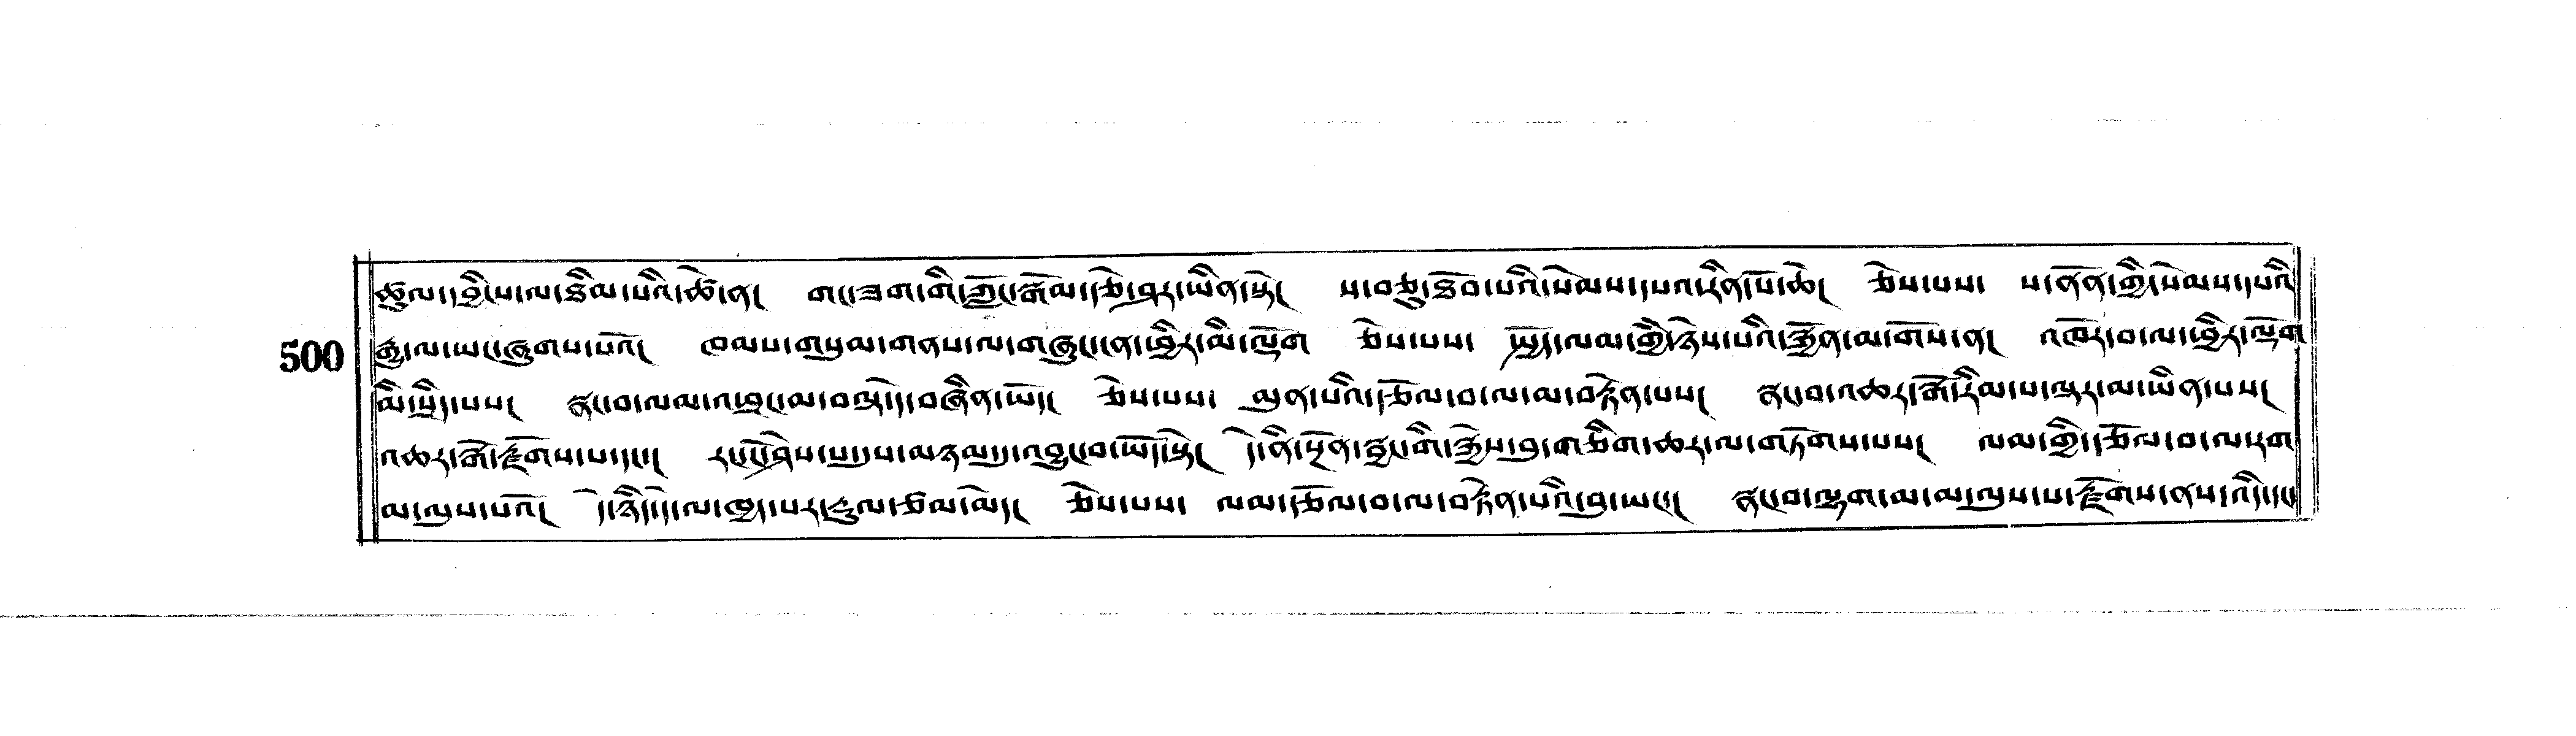ཚུལ་དབྱིངས་ལ་ཐིམ་པའི་ཚེ་ན། གང་ཟག་གི་ཀློང་སྒོམ་རྩེ་ཤར་ཡིན་ཏེ། ས་བཅུ་ཐོབ་པའི་སེམས་དཔའ་རིན་པོ་ཆེ། ཅེས་པས། ས་ནོན་གྱི་སེམས་དཔའི་
རྒྱུ་ལ་ཡང་ཞུགས་པའོ། ཁམས་གསུམ་གནས་ལ་གཞུང་ངན་ཕྱིར་མི་ལྡོག ཅེས་པས། སྤྱོད་ལམ་གྱི་ཉེས་པའི་སྐྱོན་མ་གོས་ན། འཁོར་བ་ལ་ཕྱིར་ལྡོག་
མི་སྲིད་པས། སྣང་བ་ལམ་འཕྲང་མ་ལྟ་དེ་བཞིན་ཡོད། ཅེས་པས། མུན་པའི་རྩོལ་བ་ལ་མ་བརྟེན་པས། སྣང་བ་འཆར་སྒོ་རིམ་པ་ལྟར་མ་ཡིན་པས། 
འཆར་སྒོ་རྫོགས་པ་དང་། རང་ངོ་ཤེས་པ་དུས་མཉམ་དུ་འབྱུང་བ་ཡོད་སྟེ། དེ་ནི་སྔོན་སྦྱང་གི་སྐྱེས་བུ་གཅིག་ཆར་མ་གཏོགས་པས། ལམ་གྱི་རྩོལ་བ་ལ་རག་
མ་ལུས་པའོ། དེ་ཉིད་དེ་ལ་ཁྱད་པར་རྡུལ་ཙམ་མེད། ཅེས་པས། ལམ་རྩོལ་བ་ལ་བརྟེན་པའི་བུ་ཡང་། སྣང་བ་ལྷག་མ་མ་ལུས་པ་རྫོགས་ནས་འདི་དང་